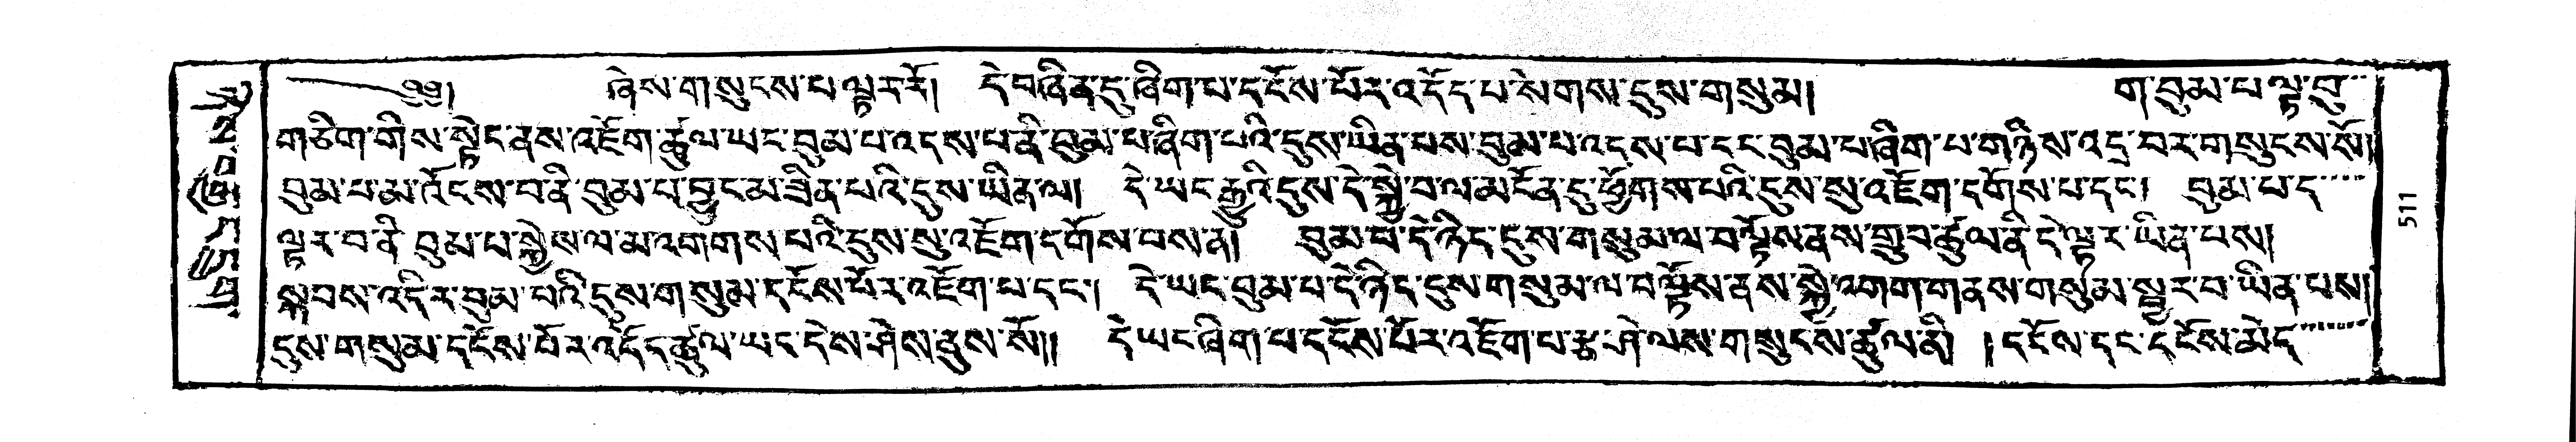༄༅། །ཞེས་གསུངས་པ་ལྟར་རོ། དེ་བཞིན་དུ་ཞིག་པ་དངོས་པོར་འདོད་པ་སོགས་དུས་གསུམ། ག་བུམ་པ་ལྟ་བུ་
གཅིག་གིས་སྟེང་ནས་འཇོག་ཚུལ་ཡང་བུམ་པ་འདས་པ་ནི་བུམ་པ་ཞིག་པའི་དུས་ཡིན་པས་བུམ་པ་འདས་པ་དང་བུམ་པ་ཞིག་པ་གཉིས་འདྲ་བར་གསུངས་སོ།
བུམ་པ་མ་འོངས་པ་ནི་བུམ་པ་བྱུང་མ་ཟིན་པའི་དུས་ཡིན་ལ། དེ་ཡང་རྒྱུའི་དུས་དེ་སྐྱེ་བ་ལ་མངོན་དུ་ཕྱོགས་པའི་དུས་སུ་འཇོག་དགོས་པ་དང་། བུམ་པ་ད་
ལྟར་བ་ནི་བུམ་པ་སྐྱེས་ལ་མ་འགགས་པའི་དུས་སུ་འཇོག་དགོས་པས་ན། བུམ་པ་དེ་ཉིད་དུས་གསུམ་ལ་བལྟོས་ནས་གྲུབ་ཚུལ་ནི་དེ་ལྟར་ཡིན་པས།
སྐབས་འདིར་བུམ་པའི་དུས་གསུམ་དངོས་པོར་འཇོག་པ་དང་། དེ་ཡང་བུམ་པ་དེ་ཉིད་དུས་གསུམ་ལ་བལྟོས་ནས་སྐྱེ་འགག་གནས་གསུམ་སྦྱར་བ་ཡིན་པས།
དུས་གསུམ་དངོས་པོར་འདོད་ཚུལ་ཡང་དེས་ཤེས་ནུས་སོ། །དེ་ཡང་ཞིག་པ་དངོས་པོར་འཇོག་པ་རྩ་ཤེས་ལས་གསུངས་ཚུལ་ནི། །དངོས་དང་དངོས་མེད་